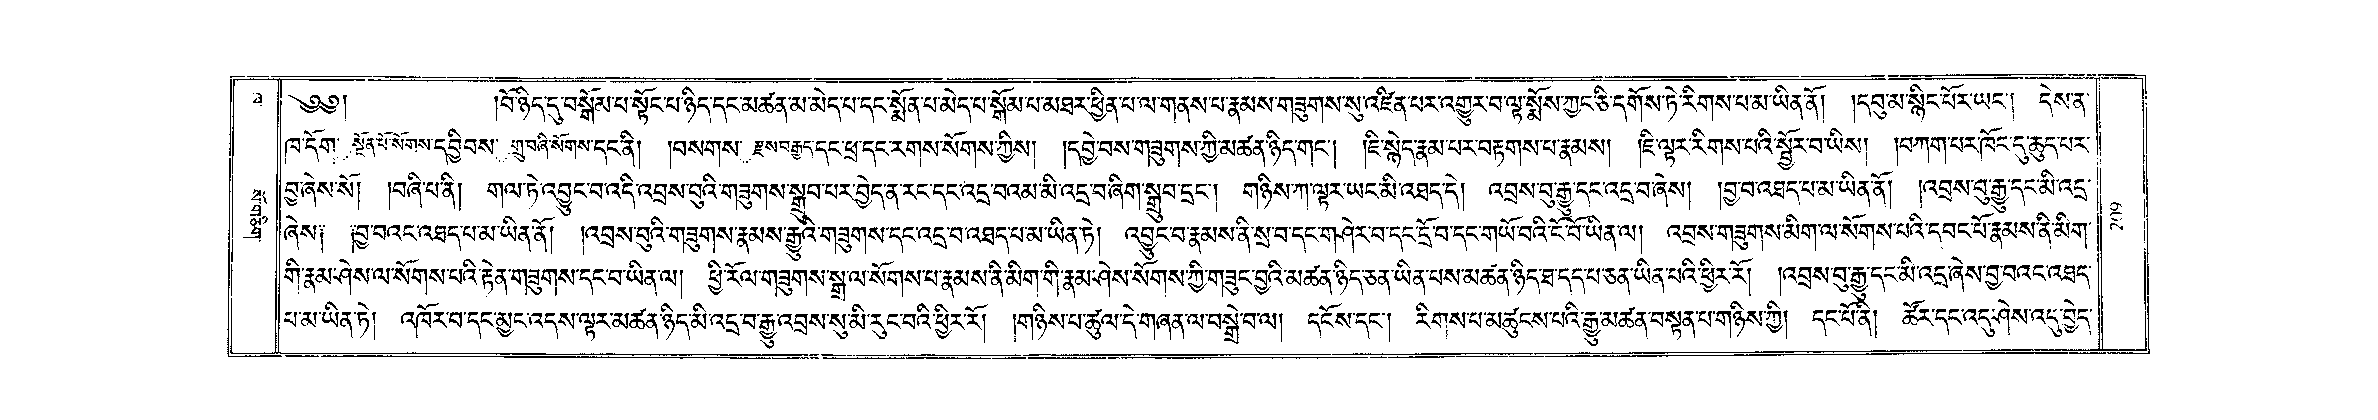༄༅། །བོ་ཉིད་དུ་བསྒོམ་པ་སྟོང་པ་ཉིད་དང་མཚན་མ་མེད་པ་དང་སྨོན་པ་མེད་པ་སྒོམ་པ་མཐར་ཕྱིན་པ་ལ་གནས་པ་རྣམས་གཟུགས་སུ་འཛིན་པར་འགྱུར་བ་ལྟ་སྨོས་ཀྱང་ཅི་དགོས་ཏེ་རིགས་པ་མ་ཡིན་ནོ། །དབུ་མ་སྙིང་པོར་ཡང་། དེས་ན་
ཁ་དོག་སྔོན་པོ་སོགས་དབྱིབས་གྲུ་བཞི་སོགས་དང་ནི། །བསགས་རྫས་བརྒྱད་དང་ཕྲ་དང་རགས་སོགས་ཀྱིས། །དབྱེ་བས་གཟུགས་ཀྱི་མཚན་ཉིད་གང་། །ཇི་སྙེད་རྣམ་པར་བརྟགས་པ་རྣམས། །ཇི་ལྟར་རིགས་པའི་སྦྱོར་བ་ཡིས། །བཀག་པར་ཁོང་དུ་ཆུད་པར་
བྱ་ཞེས་སོ། །བཞི་པ་ནི། གལ་ཏེ་འབྱུང་བ་འདི་འབྲས་བུའི་གཟུགས་སྒྲུབ་པར་བྱེད་ན་རང་དང་འདྲ་བའམ་མི་འདྲ་བ་ཞིག་སྒྲུབ་དྲང་། གཉིས་ཀ་ལྟར་ཡང་མི་འཐད་དེ། འབྲས་བུ་རྒྱུ་དང་འདྲ་བ་ཞེས། །བྱ་བ་འཐད་པ་མ་ཡིན་ནོ། །འབྲས་བུ་རྒྱུ་དང་མི་འདྲ་
ཞེས༑ ༑བྱ་བའང་འཐད་པ་མ་ཡིན་ནོ། །འབྲས་བུའི་གཟུགས་རྣམས་རྒྱུའི་གཟུགས་དང་འདྲ་བ་འཐད་པ་མ་ཡིན་ཏེ། འབྱུང་བ་རྣམས་ནི་སྲ་བ་དང་གཤེར་བ་དང་དྲོ་བ་དང་གཡོ་བའི་ངོ་བོ་ཡིན་ལ། འབྲས་གཟུགས་མིག་ལ་སོགས་པའི་དབང་པོ་རྣམས་ནི་མིག་
གི་རྣམ་ཤེས་ལ་སོགས་པའི་རྟེན་གཟུགས་དང་བ་ཡིན་ལ། ཕྱི་རོལ་གཟུགས་སྒྲ་ལ་སོགས་པ་རྣམས་ནི་མིག་གི་རྣམ་ཤེས་སོགས་ཀྱི་གཟུང་བྱའི་མཚན་ཉིད་ཅན་ཡིན་པས་མཚན་ཉིད་ཐ་དད་པ་ཅན་ཡིན་པའི་ཕྱིར་རོ། །འབྲས་བུ་རྒྱུ་དང་མི་འདྲ་ཞེས་བྱ་བའང་འཐད་
པ་མ་ཡིན་ཏེ། འཁོར་བ་དང་མྱང་འདས་ལྟར་མཚན་ཉིད་མི་འདྲ་བ་རྒྱུ་འབྲས་སུ་མི་རུང་བའི་ཕྱིར་རོ། །གཉིས་པ་ཚུལ་དེ་གཞན་ལ་བསྒྲེ་བ་ལ། དངོས་དང་། རིགས་པ་མཚུངས་པའི་རྒྱུ་མཚན་བསྟན་པ་གཉིས་ཀྱི། དང་པོ་ནི། ཚོར་དང་འདུ་ཤེས་འདུ་བྱེད་